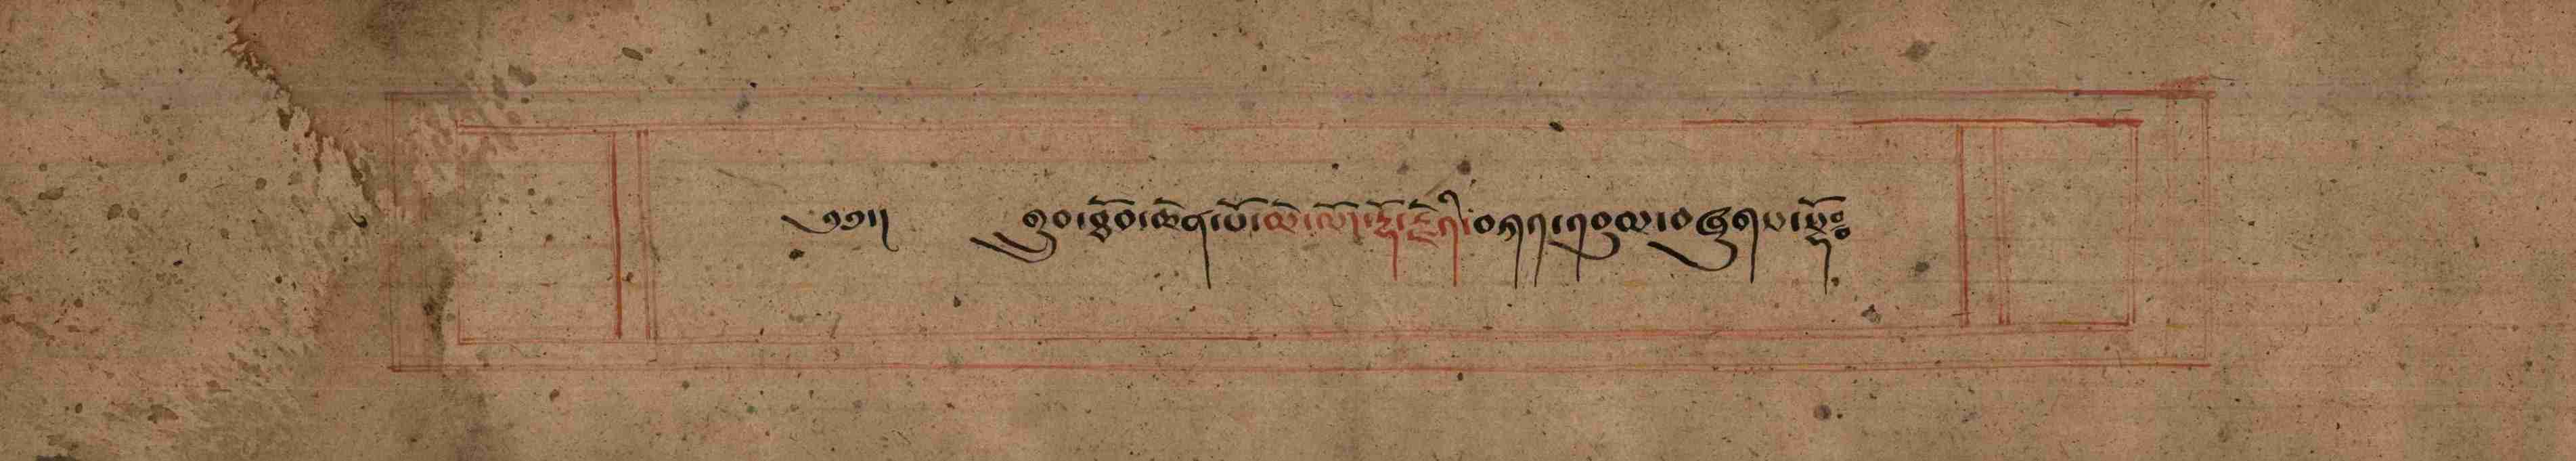༄༅་། གྲུབ་ཐོབ་ཆེན་པོ་མེ་ལོང་དྷོ་རྗེའི་བཀའ་འབུམ་བཞུགས་སྷོཿ